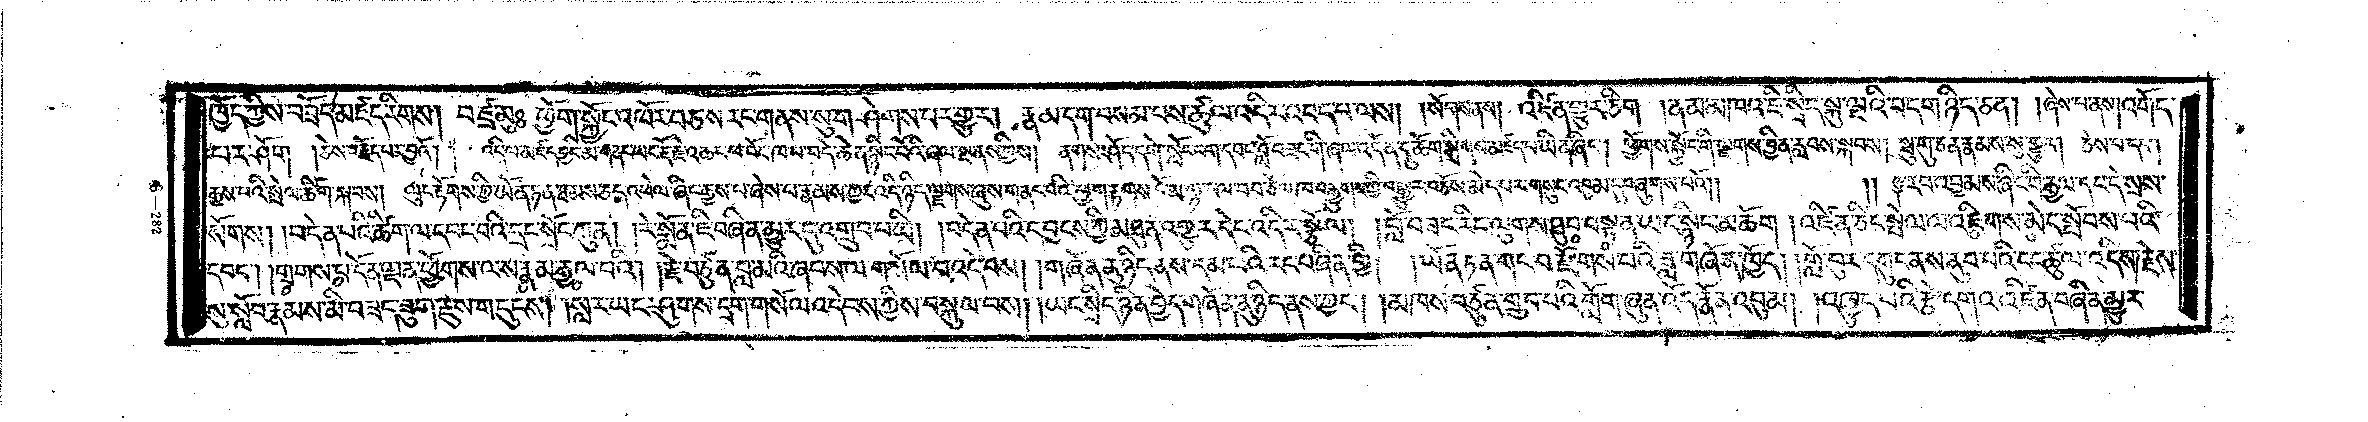ཁྱོད་ཀྱིས་བཟོད་མཛད་རིགས། བཛྲ་མུཿ ཕྱོགས་སྐྱོང་འཁོར་བཅས་རང་གནས་སུ་གཤེགས་པར་གྱུར། རྣམ་དག་བསམ། པས་ཚུལ་འདིར་འབད་པ་ལས། །སོགས་ནས། འཛིན་གྱུར་ཅིག །ནམ་མཁའ་ཇི་སྲིད་སྐུ་ལྔའི་བདག་ཉིད་ཅན། །ཞེས་པ་ནས། འགོད་
པར་ཤོག །ཅེས་བརྗོད་པར་བྱའོ། ༈ འདི་ལ་མཛད་བྱང་མ་གནང་ཡང་རྡོ་རྗེ་འཆང་ཕ་བོང་ཁ་པ་བདེ་ཆེན་སྙིང་པོའི་ཞལ་སྔ་ནས་ཀྱིས། ནགས་ཤོད་དགེ་སློང་ངག་དབང་བློ་བཟང་གི་ཞལ་འདོན་དུ་ཆོག་སྒྲིགས་མཛད་པ་ཡིན་ཞིང་། ཕྱོགས་སྐྱོང་གི་ལྗགས་བྱིན་རླབས་སྐབས། སྦུ་གུ་ཅན་རྣམས་སུ་གྱུར། ཅེས་པ་དང་།
རྒྱས་པའི་སྲེལ་ཚིག་སྐབས། ལུང་རྟོགས་ཀྱི་ཡོན་ཏན་ཐམས་ཅད་འཕེལ་ཞིང་རྒྱས་པ་ཞེས་པ་རྣམས་ཀྱང་འདི་ཉིད་ལྗགས་ཞུས་གནང་བའི་ཕྱག་རྟགས་ངོ་མ་ལྟར་ལ་བཅོལ་ཁ་བགྱུགས་ཀྱི་བསྒྱུར་བཅོས་མེད་པར་གསུང་འབུམ་དུ་བཞུགས་པའོ།། །། ༈རབ་འབྱམས་ཞིང་གི་རྒྱལ་དང་དེ་སྲས་
སོགས། །བདེན་པའི་ཚིག་ལ་དབང་བའི་དྲང་སྲོང་ཀུན། །རེ་སྨོན་ཇི་བཞིན་མྱུར་དུ་འགྲུབ་པ་ཡི། །བདེན་པའི་དབྱངས་ཀྱི་མཐུན་འགྱུར་དེང་འདིར་སྩོལ། །བློ་བཟང་རིང་ལུགས་ཐུབ་བསྟན་ཡང་སྙེད་མཆོག། །འཛིན་ཅིང་སྤེལ་ལ་འཇིགས་མེད་སྤོབས་པའི་
དབང་། །གྲགས྾་པ྾་དོན་ལྡན་ཕྱོགས་ལས་རྣམ྾་རྒྱལ྾་བའི། །རྗེ་བཙུན་བླ་མའི་ཞབས་ལ་གསོལ་བ་འདེབས། །གཞོན་ནུ་ཉིད་ནས་དམ་པའི་རང་བཞིན་གྱི། །ཡོན་ཏན་གང་བརྫོགས་པའི་ཟླ་གཞོན་ཁྱོད། །གློ་བུར་དགུང་ནས་ནུབ་པའི་ངང་ཚུལ་འདིས། རྗེས་
སུ་སློབ་རྣམས་མི་བཟད་ཟུག་རྔུས་གདུངས། །སླར་ཡང་ཤུགས་དྲག་གསོལ་འདེབས་ཀྱིས་བསྐུལ་བས། །ཡང་སྲིད་ཉིན་བྱེད་གཞོན་ནུ་ཉིད་ནས་ཀྱང་། །མཁས་བཙུན་གྲུབ་པའི་གློག་ཞུན་འོད་རྣོན་འབུམ། །འཁྱུད་པའི་རྩེ་དགའ་འཛིན་བཞིན་མྱུར་